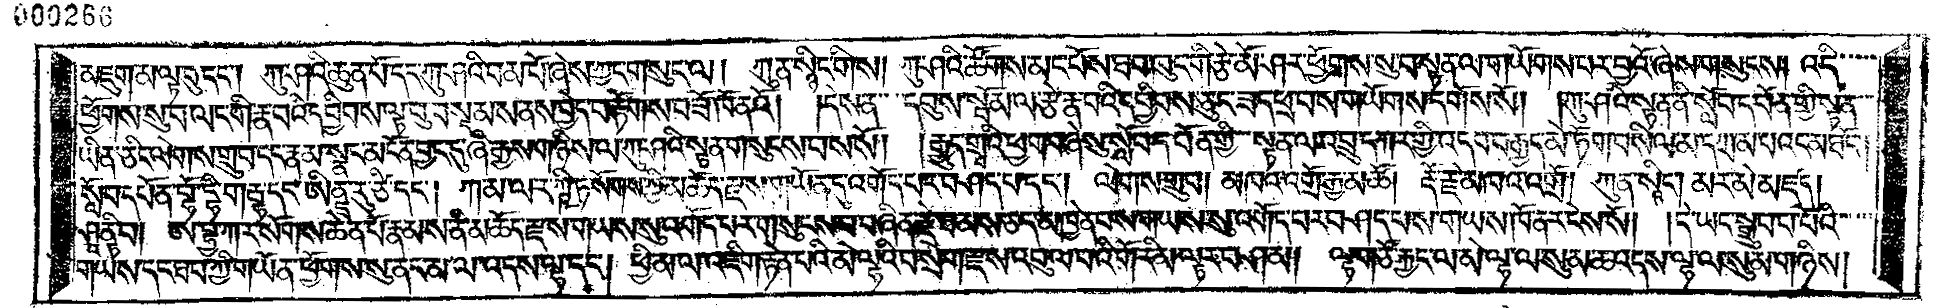མཇུག་མ་ལྟ་བུ་དང་། ཀུ་ཤའི་ཆུན་པོ་དང་ཀུ་ཤའི་བམ་པོ་ཞེས་ཀྱང་གསུང་ལ། ཀུན་སྙིང་གིས། ཀུ་ཤའི་ཚོགས་མང་པོས་ཐབ་ཁུང་གི་རྩེ་མོ་ཤར་ཕྱོགས་སུ་བསྟན་ལ་གཡོགས་པར་བྱའོ་ཞེས་གསུངས། འདི་
ཕྱོགས་སུ་བ་ལང་གི་རྣ་བའི་དབྱིབས་ལྟ་བུ་བསྡམས་ནས་བྱེད་བ་རྟོགས་བཟོ་ཁོ་ནའོ། །དེས་ན་དབུས་སྦོམ་ལ་རྩེ་རྣ་བའི་དབྱིབས་ཅུང་ཟད་ཕྲ་བས་གཡོགས་དགོས་སོ། །ཀུ་ཤའི་སྟན་ནི་སློབ་དབོན་གྱི་སྟན་
ཡིན་ཅིང་ལེགས་གྲུབ་དང་རྣམ་སྣང་མངོན་བྱང་དུ་ཞི་རྒྱས་གཉིས་ལ་ཀུ་ཤའི་སྟན་གསུངས་བས་སོ། །རྒྱུད་གྲྭའི་ཕྱག་བཞེས་སུ་སློབ་དཔོན་གྱི་སྟན་ལ་འབྲུ་དཀར་གྱི་འདབ་བརྒྱད་མེ་ཏོག་བསིལ་མ་དཀྲམ་པའང་མཐོང་།
སློབ་དཔོན་བྷོ་དྷི་གརྦྷ་དང་ཨིནྡྲ་རུ་ཙི་དང་། ཀ་མ་ལ་ར་ཀྵི་ཏ་སོགས་ཀྱི་མཆོད་རྫས་གཡོན་དུ་འགོད་པར་བཤད་པ་དང་། ལེགས་གྲུབ། མཁའ་འགྲོ་རྒྱ་མཚོ། རྡོ་རྗེ་མཁའ་འགྲོ། ཀུན་སྙིང་། མར་མེ་མཛད།
ཤཱནྟི་བ། ཨ་བྷྱ་ཀ་ར་སོགས་ཆེན་པོ་རྣམས་ནི་མཆོད་རྫས་གཡས་སུ་འགོད་པར་གསུངས་པ་བཞིན་རྗེ་ཐམས་ཅད་མཁྱེན་པས་གཡས་སུ་འགོད་པར་བཤད་པས་གཡས་ཁོ་ནར་ངེས་སོ། །དེ་ཡང་སྒྲུབ་པ་པོའི་
གཡས་དང་ཐབ་ཀྱི་གཡོན་ཕྱོགས་སུ་ནང་མ་ལ་འདས་ལྷ་དང་། ཕྱི་མ་ལ་འཇིག་རྟེན་པའི་མེ་ལྷའི་བསྲེག་རྫས་འབུལ་བའི་གོ་རིམ་ལྟར་བཤམ། ལྷ་གཙོ་རྐྱང་ལ་མེ་ལྷ་ལ་སུམ་ཆ་འདས་ལྷ་ལ་སུམ་གཉིས།